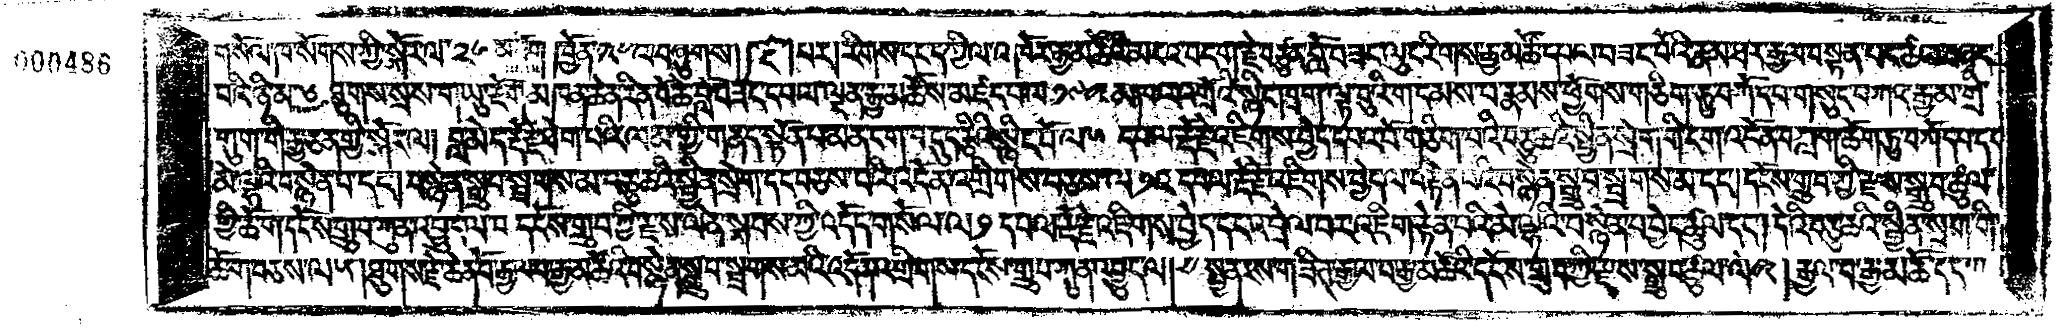གསོལ་ཁ་སོགས་ཀྱི་སྐོར་ལ ༢༦། མ་ཐོག་ཁྱོན ༣༧་ལ་བཞུགས། ༼ང༽ པར། རིགས་དང་དཀྱིལ་འཁོར་རྒྱ་མཚོའི་མངའ་བདག་རྗེ་བཙུན་བློ་བཟང་ལུང་རིགས་རྒྱ་མཚོ་དཔལ་བཟང་པོའི་རྣམ་ཐར་རྒྱལ་བསྟན་པད་ཚལ་བཞད་
པའི་ཉི་མ ༦་ཐུགས་སྲས་གཡུ་རྡོག་མཁན་ཆེན་རིན་པོ་ཆེ་བློ་བཟང་དཔལ་ལྡན་རྒྱ་མཚོས་མཛད་པ་ལ ༡༧༩་མཁའ་འགྲོའི་སྙིང་ཁྲག་ལྟ་བུའི་གདམས་པ་རྣམས་ཕྱོགས་གཅིག་ཏུ་བཀོད་པ་གསུང་བཀའ་རྒྱ་མ་གྲི་
གུག་གི་རྒྱ་ཅན་གྱི་སྐོར་ལ། བླ་མེད་རྡོ་རྗེ་ཐེག་པའི་ལམ་གྱི་གནད་སྟོན་པ་མན་ངག་བདུད་རྩིའི་སྙིང་པོ་ལ ༦་དཔལ་རྡོ་རྗེ་འཇིགས་བྱེད་དཔའ་བོ་གཅིག་པའི་བཅུ་ཆའི་སྦྱིན་སྲེག་གི་ངག་འདོན་བཀླག་ཆོག་ཏུ་བཀོད་པ་དང་
མེ་ལྷའི་བསྙེན་པ་དང་། བསྙེན་སྒྲུབ་སྦྲགས་མ་བཅུ་ཆའི་སྦྱིན་སྲེག་དང་བཅས་པའི་འདོན་འགྲིགས་བཅས་ལ ༡༢་དཔལ་རྡོ་རྗེ་འཇིགས་བྱེད་ལ་བརྟེན་པའི་བསྙེན་སྒྲུབ་སྦྲགས་མ་དང་། དངོས་གྲུབ་ཀྱི་རྫས་སྒྲུབ་ཚུལ་
གྱི་ཆོ་ག་དངོས་གྲུབ་ཀུན་འབྱུང་ལ་བ་དངོས་གྲུབ་ཀྱི་རྫས་ལེན་སྐབས་ཀྱི་འདོད་གསོལ་ལ ༡་དཔལ་རྡོ་རྗེ་འཇིགས་བྱེད་དང་འབྲེལ་བར་འཇིག་རྟེན་པའི་མེ་ལྷའི་བསྙེན་པ་བྱེད་ཚུལ་དང་། དེའི་བཅུ་ཆའི་སྦྱིན་སྲེག་གི་
ཆོ་ག་བཅས་ལ༥། ཐུགས་རྗེ་ཆེན་པོ་རྒྱལ་བ་རྒྱ་མཚོའི་བསྙེན་སྒྲུབ་སྦྲགས་མའི་འདོན་འགྲིགས་དངོས་གྲུབ་ཀུན་འབྱུང་ལ ༤། སྤྱན་རས་གཟིཌ་རྒྱལ་བ་རྒྱ་མཚོའི་དངོས་གྲུབ་ཀྱི་རྫས་སྒྲུབ་ཚུལ་ལེ ༣། རྒྱལ་བ་རྒྱ་མཚོ་དང་